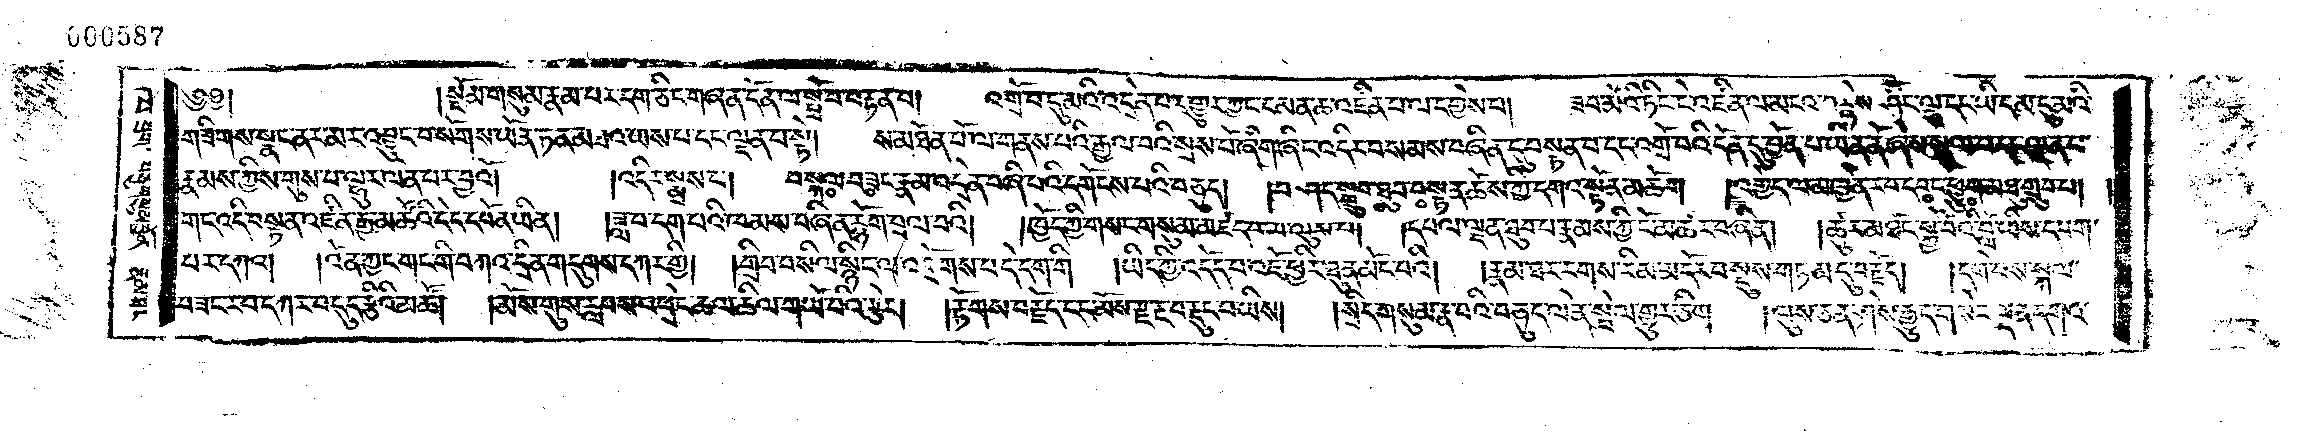༄༅། །སྔོམ་གསུམ་རྣམ་པར་དག་ཅིང་གཞན་དོན་ལ་སྤྲོ་བ་བརྟན་པ། འགྲོ་བ་དུ་མའི་འདྲེན་པར་གྱུར་ཀྱང་དམན་ཆ་འཛིན་པ་ལ་དགྱེས་པ། ཟབ་མོའི་ཏིང་ངེ་འཛིན་ལ་མངའ་བརྙེས་ཤིང་ལྷ་དང་ཡི་དམ་དུ་མའི་
གཟིགས་སྣང་ནར་མར་འབྱུང་བ་སོགས་ཡོན་ཏན་མཐའ་ཡས་པ་དང་ལྡན་པ་སྟེ། ས་མཐོན་པོ་ལ་གནས་པའི་རྒྱལ་བའི་སྲས་པོ་ཞིག་ཞིང་འདིར་བསམས་བཞིན་དུ་བསྟན་པ་དང་འགྲོ་བའི་དོན་དུ་བྱོན་པ་ཡིན་ནོ་ཞེས་སྐལ་བ་དང་ལྡན་པ་
རྣམས་ཀྱིས་གུས་པ་ལྷུར་ལེན་པར་བྱའོ། །འདིར་སྨྲས་པ། བསྐལ་བཟང་རྣམ་འདྲེན་བཞི་པའི་དགོངས་པའི་བཅུད། །བཤད་སྒྲུབ་ཐུབ་བསྟན་ཆོས་ཀྱི་དགའ་སྟོན་མཆོག །འགྱེད་ལ་མཁྱེན་རབ་དབང་ཕྱུག་མཐུ་གྲུབ་པ། །
གང་འདི་བསྟན་འཛིན་རྒྱ་མཚོའི་དེད་དཔོན་ཡིན། །ཟླ་བ་དག་པའི་ཁམས་བཞིན་རྙོག་བྲལ་བའི། །ཁྱོད་ཀྱི་གསང་གསུམ་མཛད་བ་མ་ལུས་པ། །དཔལ་ལྡན་ཐུབ་པ་རྣམས་ཀྱི་ངོ་མཚར་བཞིན། །ཚུར་མཐོང་སྐྱེ་བོའི་བློ་ཡིས་དཔག་
པར་དཀའ། །འོན་ཀྱང་གང་གི་བཀའ་དྲིན་གདུགས་དཀར་གྱི། །གྲིབ་བསིལ་སྙིང་ལ་འགྲོགས་པ་དེ་དག་གི །ཡིད་ཀྱི་འདོད་བ་འཇོ་ཕྱིར་ཐུན་མོང་བའི། །རྣམ་ཐར་རགས་རིམ་མདོར་བསྡུས་གཏམ་དུ་བརྗོད། །དགེ་བས་སྐལ་
བཟང་རབ་དཀར་བདུད་རྩིའི་མཚོ། །མོས་གུས་རླབས་འཕྲེང་ཆལ་ཆིལ་གཡོ་བའི་རྩེར། །རྟོགས་བརྗོད་དང་མོས་རྫ་རྔ་བརྡུང་བ་ཡིས། །སྲིད་གསུམ་རྣ་བའི་བཅུད་ལེན་སྤེལ་གྱུར་ཅིག །ལུས་ཅན་ཤེས་རྒྱུད་གསེར་ལྡན་དགའ་